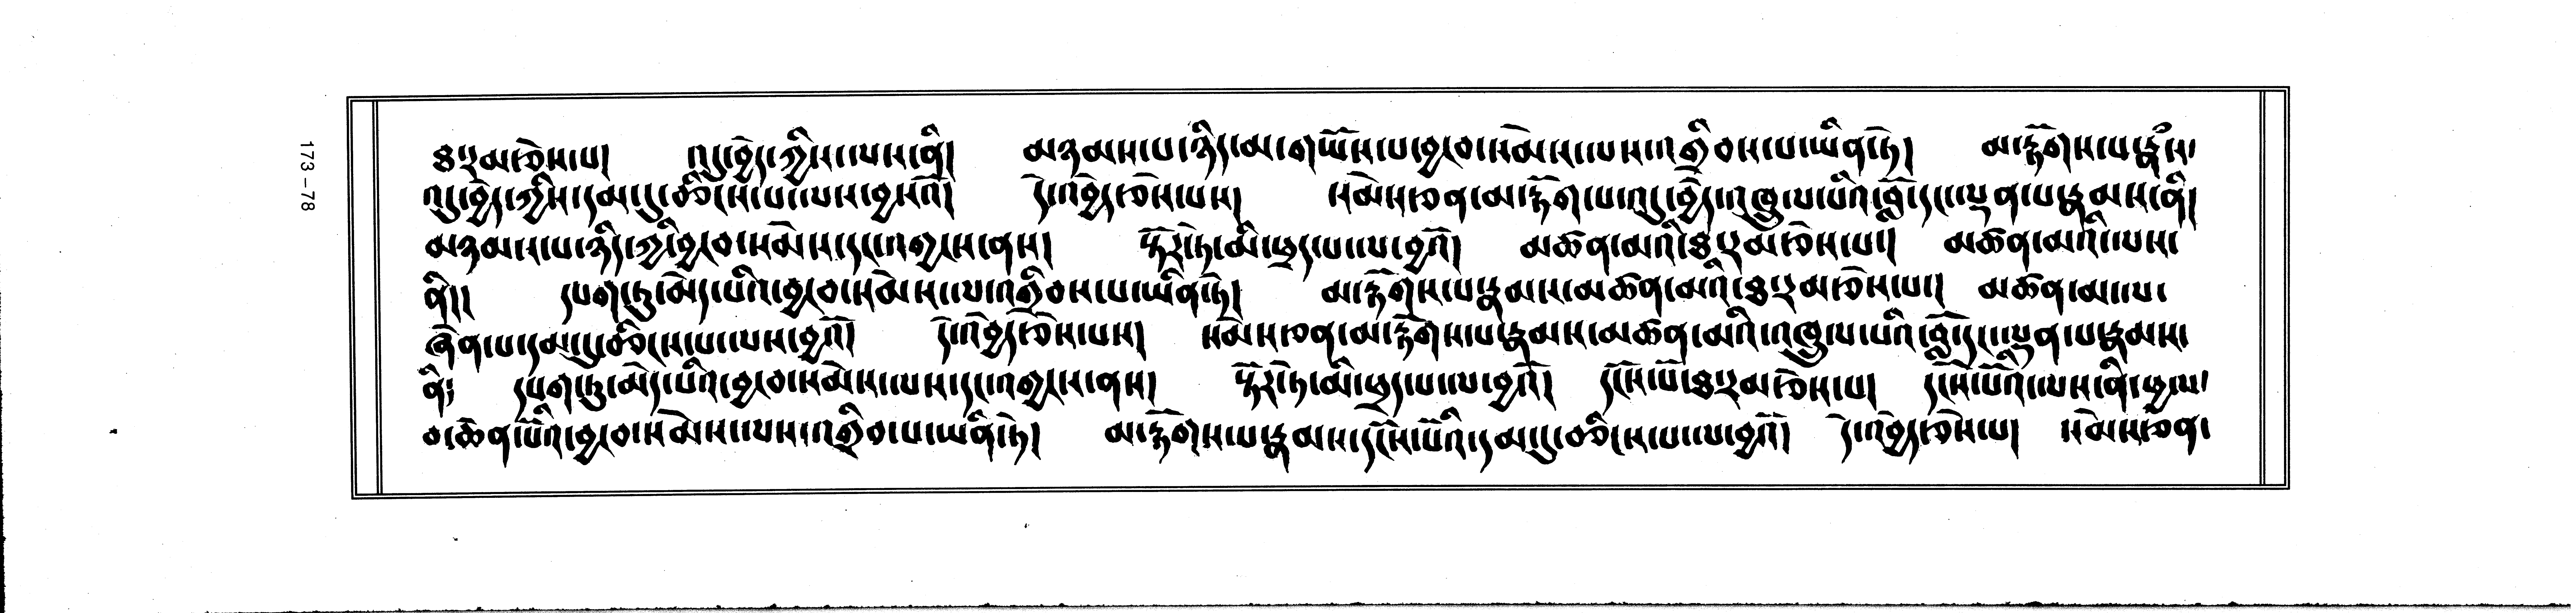ཐ་རམ་ཅེས་པ། འདུ་བྱེད་ཀྱི་ལས་ནི། མཉམ་པ་ཉིད་མ་གཡོས་པ་བྱང་ཆུབ་སེམས་ལ་འགྲིབ་པ་ཡིན་ཏེ། མ་རྟོགས་པ་རྣམས་
འདུ་བྱེད་ཀྱིས་དམ་དུ་བཅིངས་པ་ལ་བྱའོ། དེ་འབྱེད་ཅེས་པས། སེམས་ཅན་མ་རྟོགས་པ་འདུ་བྱེད་འཁྲུལ་པའི་བློ་དང་ལྡན་པ་རྣམས་ནི། 
མཉམ་པ་ཉིད་ཀྱི་བྱང་ཆུབ་སེམས་དང་འགྱངས་ནས་སྟོར་ཏེ་མི་འཕྲད་པ་ལ་བྱའོ། །མཚན་མའི་ཐ་རམས་ཅེས་པ། མཚན་མའི་ལས་
ནི། དཔག་ཏུ་མེད་པའི་བྱང་ཆུབ་སེམས་ལས་འགྲིབ་པ་ཡིན་ཏེ། མ་རྟོགས་པ་རྣམས་མཚན་མའི་ཐ་རམས་ཅེས་པ་མཚན་མ་ལ་
ཞེན་པ་དམ་དུ་བཅིངས་པ་ལ་བྱའོ། དེ་འབྱེད་འཕྲུལ་གྱི་ཅེས་པས། སེམས་ཅན་མ་རྟོགས་པ་རྣམས་མཚན་མའི་འཁྲུལ་པའི་བློ་དང་ལྡན་པ་རྣམས་
ནི། དཔག་ཏུ་མེད་པའི་དོན་བྱང་ཆུབ་སེམས་དང་འགྱངས་ནས་སྟོར་ཏེ་མི་འཕྲད་པ་ལ་བྱའོ། །དངོས་པོ་ཐ་རམ་ཅེས་པ། དངོས་པོའི་ལས་ནི། ཕྱལ་
པ་ཆེན་པོའི་བྱང་ཆུབ་སེམས་ལ་འགྲིབ་པ་ཡིན་ཏེ། མ་རྟོགས་པ་རྣམས་སོ་སོའི་ལྟ་བས་དམ་དུ་བཅིངས་པ་ལ་བྱའོ། དེ་འབྱེད་ཅེས་པ། སེམས་ཅན་